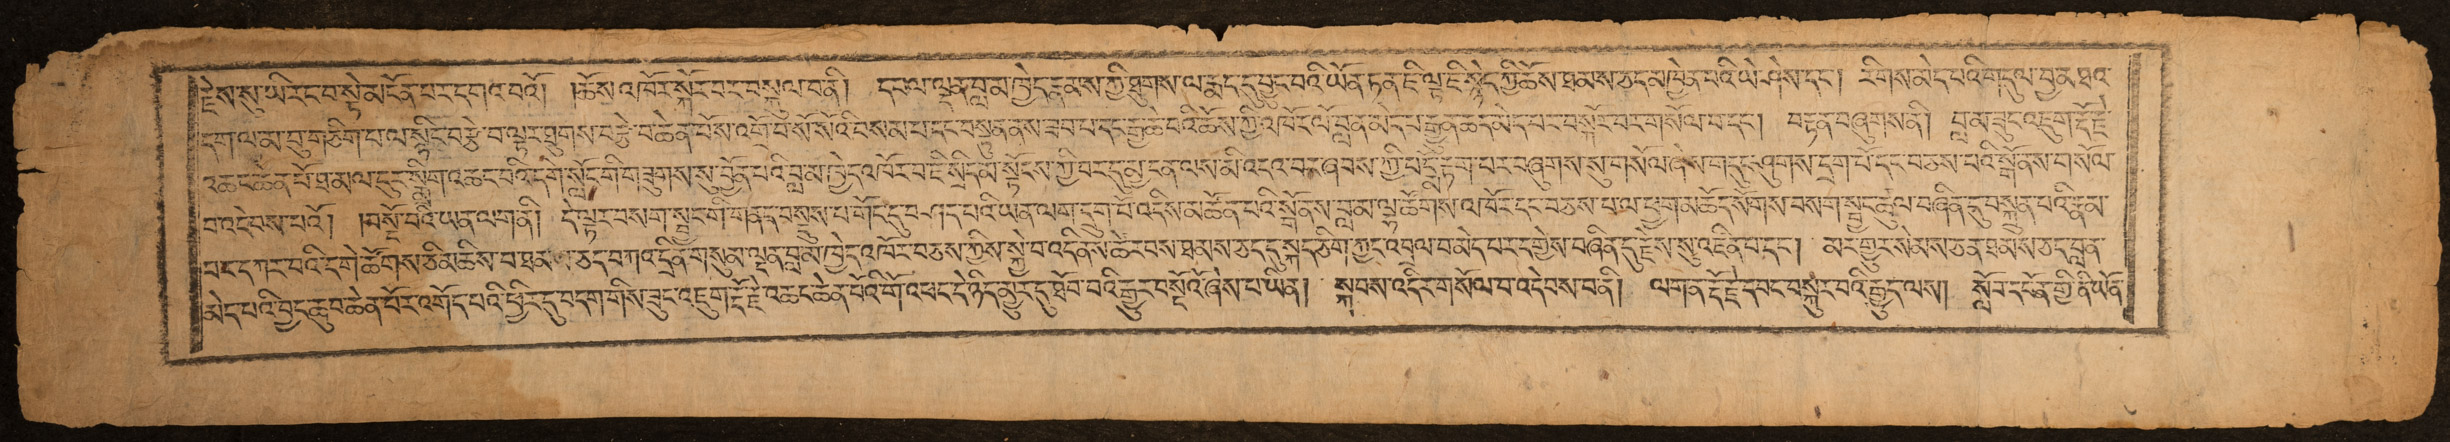རྗེས་སུ་ཡི་རང་བ་སྟེ་མངོན་བར་དགའ་བའོ༑ །ཆོས་འཁོར་སྐོར་བར་བསྐུལ་བ་ནི། དཔལ་ལྡན་བླ་མ་ཁྱེད་རྣམས་ཀྱི་ཐུགས་ལ་རྨད་དུ་བྱུང་བའི་ཡོན་ཏན་ཇི་ལྟ་ཇི་སྙེད་ཀྱི་ཆོས་ཐམས་ཅད་མཁྱེན་པའི་ཡེ་ཤེས་དང་། རིགས་མེད་པའི་གདུལ་བྱ་མཐའ་
དག་ལ་མ་བུ་གཅིག་པ་ལ་སྙིང་བརྩེ་བ་ལྟར་ཐུགས་བརྩེ་བ་ཆེན་པོས་འགྲོ་བ་སོ་སོའི་བསམ་པ་དང་བསྟུན་ནས་ཟབ་པ་དང་རྒྱ་ཆེ་བའི་ཆོས་ཀྱི་འཁོར་ལོ་བླ་ན་མེད་པ་རྒྱུན་ཆད་མེད་པར་བསྐོར་བར་གསོལ་བ་དང་། བརྟན་བཞུགས་ནི། བླ་མ་ཟུང་འཇུག་རྡོ་རྗེ་
འཆང་ཆེན་པོ་ཐ་མལ་དུར་སྨྲིག་འཆང་བའི་དགེ་སློང་གི་གཟུགས་སུ་བྱོན་པའི་བླ་མ་ཁྱེད་འཁོར་བ་ཇི་སྲིད་མ་སྟོངས་ཀྱི་བར་དུ་མྱ་ངན་ལས་མི་འདའ་བར་ཞབས་ཀྱི་པདམོ་རྟག་པར་བཞུགས་སུ་གསོལ་ཞེས་གདུང་ཤུགས་དྲག་པོ་དང་བཅས་པའི་སྒོ་ནས་གསོལ་
བ་འདེབས་པའོ། །བསྔོ་བའི་ཡན་ལག་ནི། དེ་ལྟར་བསག་སྦྱང་གི་གནད་བསྡུས་པ་གོང་དུ་བཤད་པའི་ཡན་ལག་དྲུག་པོ་འདིས་མཚོན་པའི་སྒོ་ནས་བླ་མ་ལྷ་ཚོགས་འཁོར་དང་བཅས་པ་ལ་ཕྱག་མཆོད་སོགས་བསག་སྦྱང་ཚུལ་བཞིན་དུ་བསྐྲུན་པའི་རྣམ་
པར་དཀར་བའི་དགེ་ཚོགས་ཅི་མཆིས་པ་ཐམས་ཅད་བཀའ་དྲིན་གསུམ་ལྡན་བླ་མ་ཁྱེད་འཁོར་བཅས་ཀྱིས་སྐྱེ་བ་འདི་ནས་ཚེ་རབས་ཐམས་ཅད་དུ་སྐད་ཅིག་ཀྱང་འབྲལ་བ་མེད་པར་དགྱེས་བཞིན་དུ་རྗེས་སུ་འཛིན་པ་དང་། མར་གྱུར་སེམས་ཅན་ཐམ་ཅད་བླ་ན་
མེད་པའི་བྱང་ཆུབ་ཆེན་པོར་འགོད་པའི་ཕྱིར་དུ་བདག་གི་ཟུང་འཇུག་རྡོ་རྗེ་འཆང་ཆེན་པོའི་གོ་འཕང་དེ་ཉིད་མྱུར་དུ་ཐོབ་བའི་རྒྱུར་བསྔོའོ་ཞེས་པ་ཡིན། སྐབས་འདིར་གསོལ་བ་འདེབས་པ་ནི། ལག་ན་རྡོ་རྗེ་དབང་བསྐུར་བའི་རྒྱུད་ལས། སློབ་དཔོན་གྱི་ནི་ཡོན་